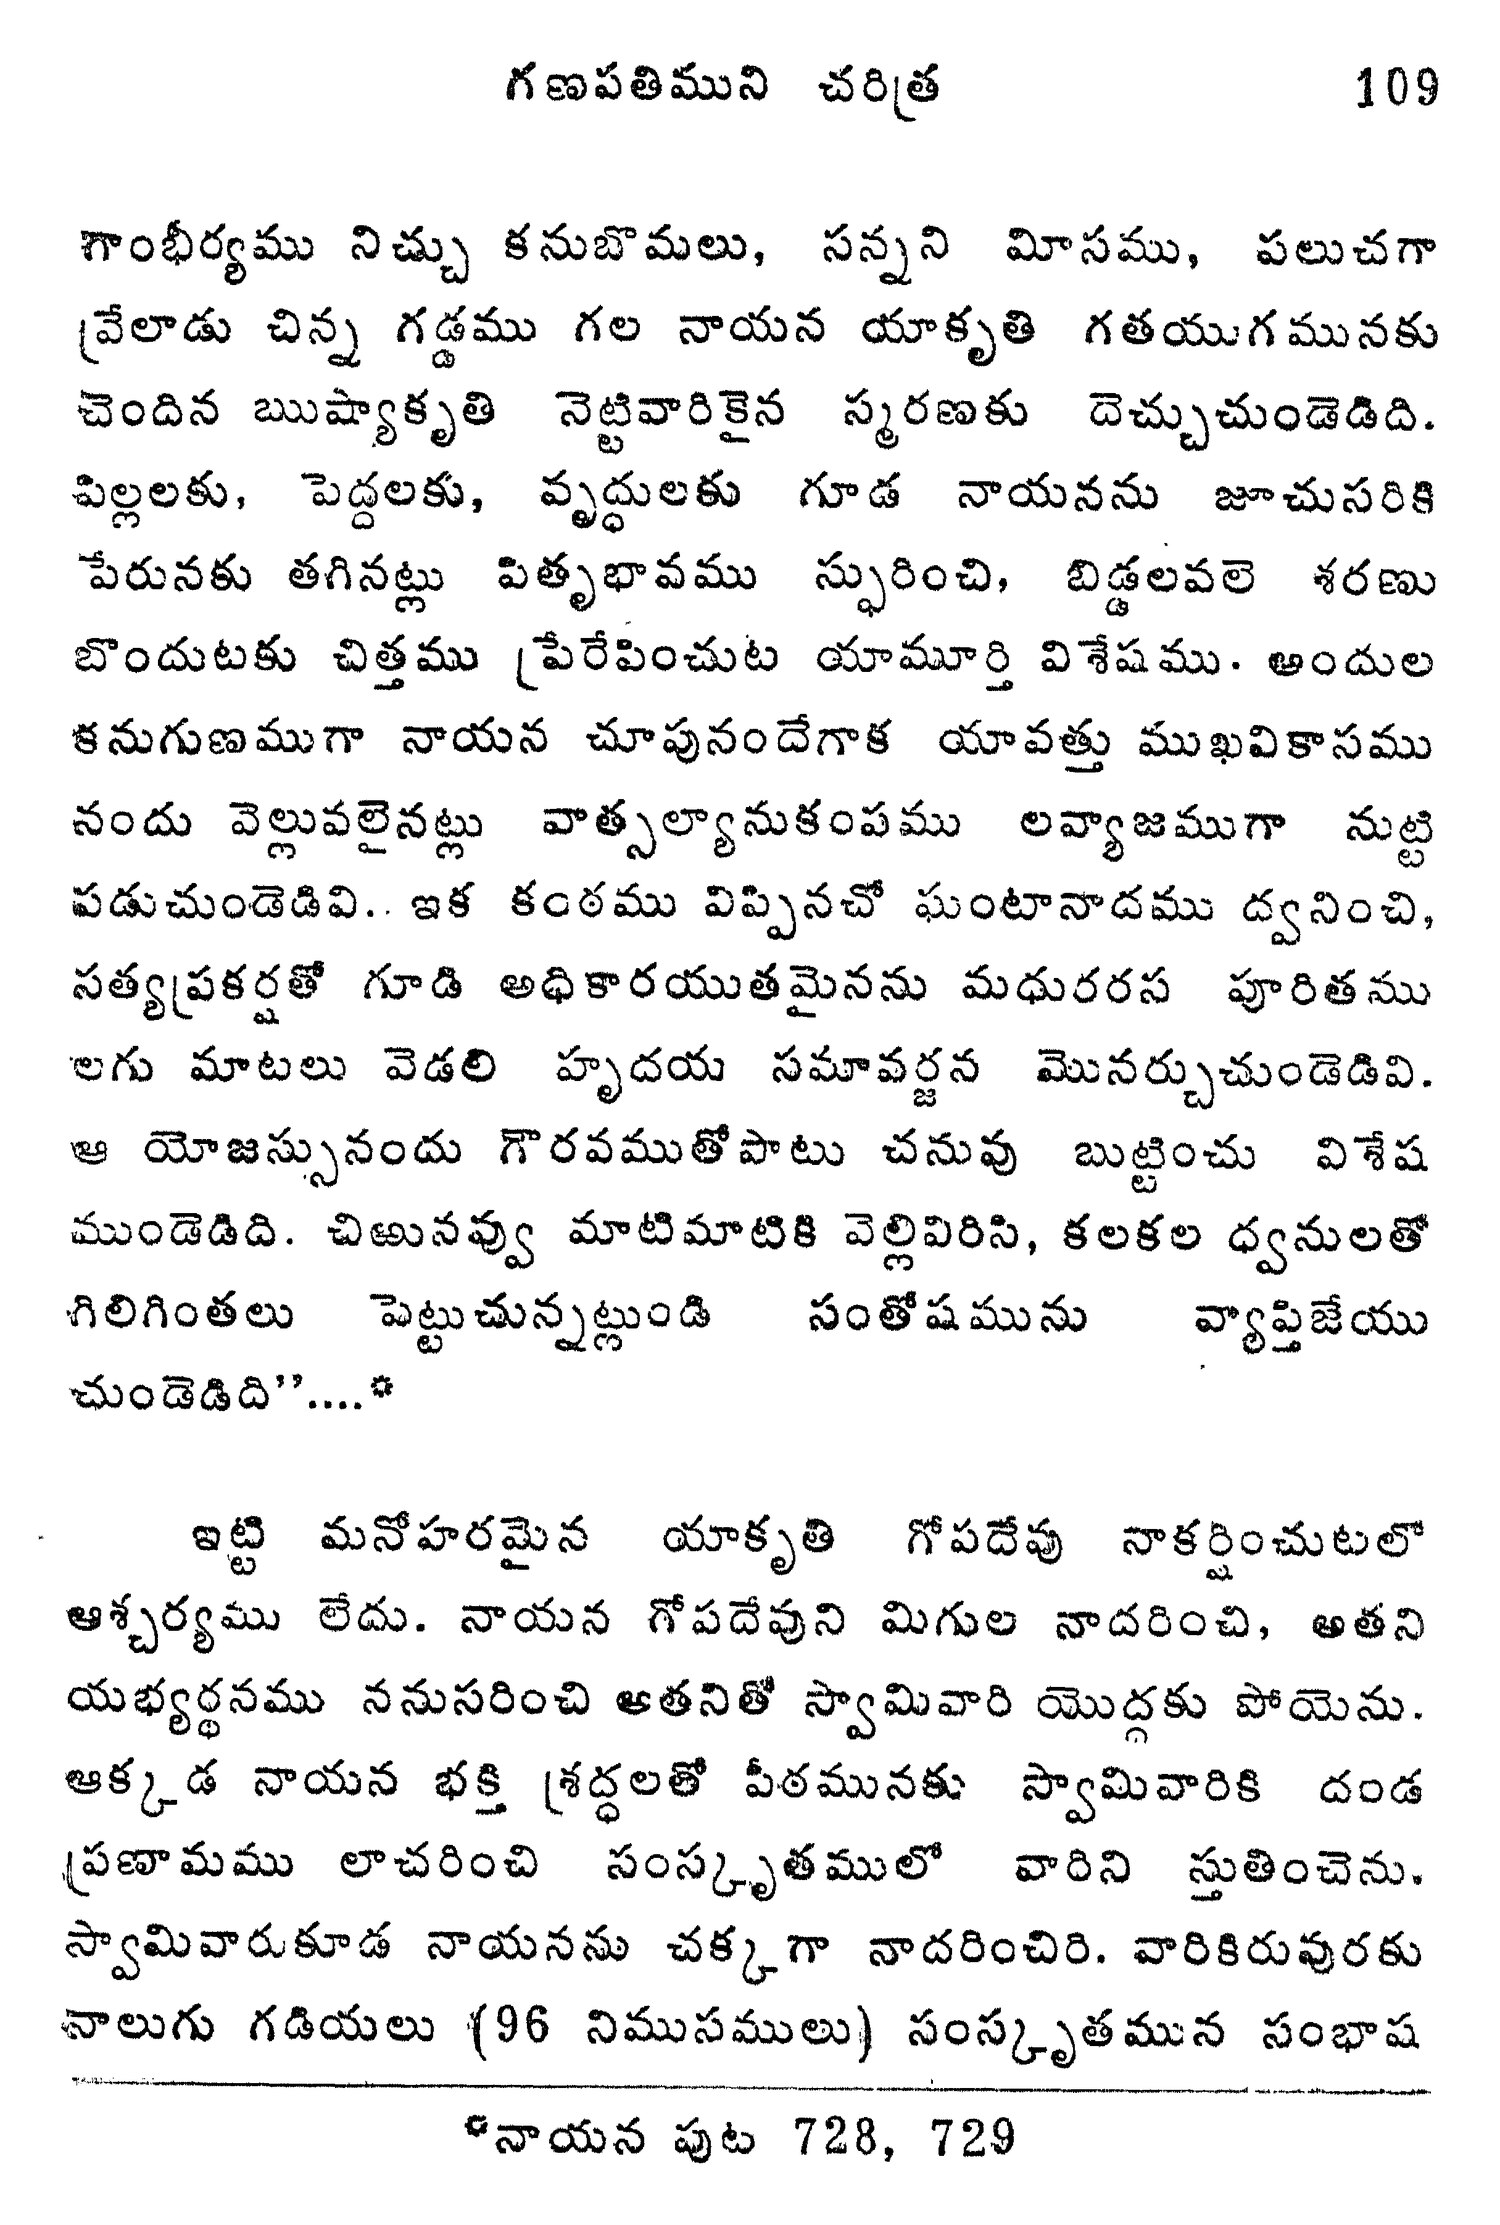గాంభీర్యము నిచ్చు కనుబొమలు, సన్నని మీసము, పలుచగా వ్రేలాడు చిన్న గడ్డము గల నాయన యాకృతి గతయుగమునకు చెందిన ఋష్యాకృతి నెట్టివారికైన స్మరణకు దెచ్చుచుండెడిది. పిల్లలకు, పెద్దలకు, వృద్ధులకు గూడ నాయనను జూచుసరికి పేరునకు తగినట్లు పితృభావము స్ఫురించి, బిడ్డలవలె శరణు బొందుటకు చిత్తము ప్రేరేపించుట యామూర్తి విశేషము. అందుల కనుగుణముగా నాయన చూపునందేగాక యావత్తు ముఖవికాసము నందు వెల్లువలైనట్లు వాత్సల్యానుకంపము లవ్యాజముగా నుట్టి పడుచుండెడివి. ఇక కంఠము విప్పినచో ఘంటానాదము ద్వనించి, సత్యప్రకర్షతో గూడి అధికారయుతమైనను మధురరస పూరితములగు మాటలు వెడలి హృదయ సమావర్జన మొనర్చుచుండెడివి. ఆ యోజస్సునందు గౌరవముతోపాటు చనువు బుట్టించు విశేష ముండెడిది. చిఱునవ్వు మాటిమాటికి వెల్లివిరిసి, కలకల ద్వనులతో గిలిగింతలు పెట్టుచున్నట్లుండి సంతోషమును వ్యాప్తిజేయు చుండెడిది".....

ఇట్టి మనోహరమైన యాకృతి గోపదేవు నాకర్షించుటలో ఆశ్చర్యములేదు. నాయన గోపదేవుని మిగుల నాదరించి, అతని యభ్యర్థనము ననుసరించి అతనితో స్వామివారి యొద్దకు పోయెను. అక్కడ నాయన భక్తి శ్రద్దలతో పీఠమునకు స్వామివారికి దండ ప్రణామము లాచరించి సంస్కృతములో వారిని స్తుతించెను. స్వామివారుకూడ నాయనను చక్కగా నాదరించిరి. వారికిరువురకు నాలుగు గడియలు (96 నిముసములు) సంస్కృతమున సంభాష